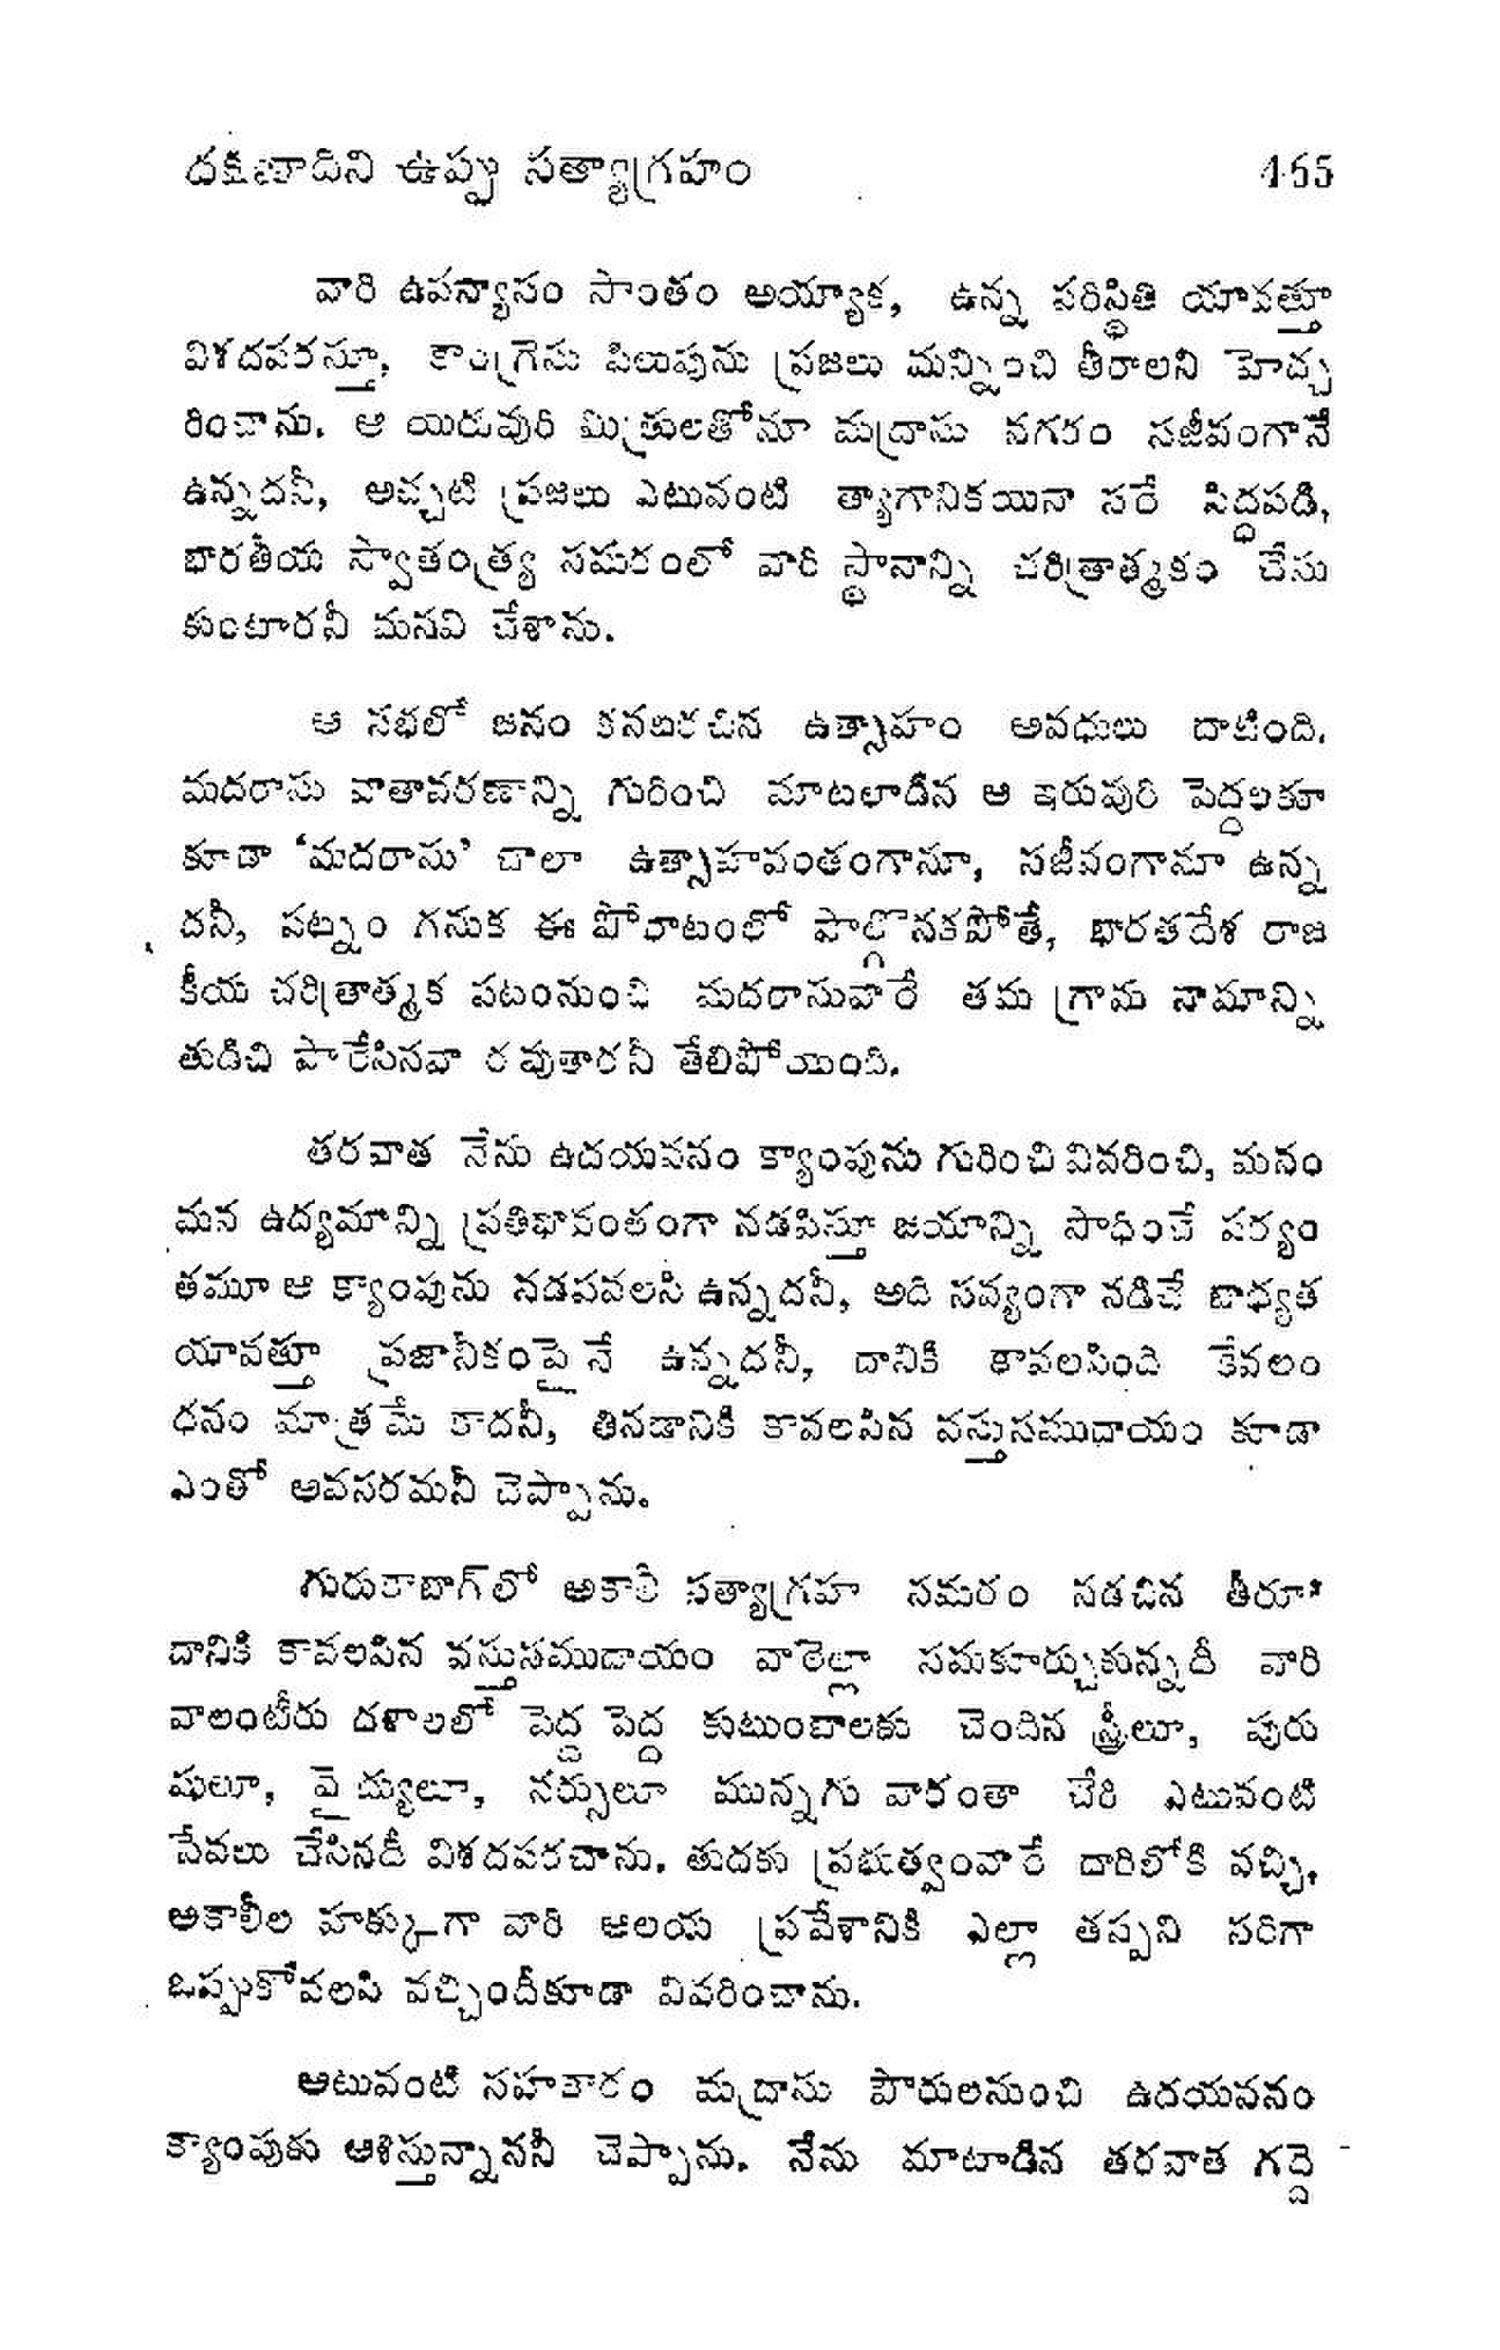వారి ఉపన్యాసం సాంతం అయ్యాక, ఉన్న పరిస్థితి యావత్తూ విశదపరస్తూ, కాంగ్రెసు పిలుపును ప్రజలు మన్నించి తీరాలని హెచ్చరించాను. ఆ యిరువురి మిత్రులతోనూ మద్రాసు నగరం సజీవంగానే ఉన్నదనీ, అచ్చటి ప్రజలు ఎటువంటి త్యాగానికయినా సరే సిద్ధపడి, భారతీయ స్వాతంత్ర్య సమరంలో వారి స్థానాన్ని చరిత్రాత్మకం చేసుకుంటారనీ మనవి చేశాను.

ఆ సభలో జనం కనబరచిన ఉత్సాహం అవధులు దాటింది. మదరాసు వాతావరణాన్ని గురించి మాటలాడిన ఆ ఇరువురి పెద్దలకూ కూడా 'మదరాసు' చాలా ఉత్సాహవంతంగానూ, సజీవంగానూ ఉన్నదనీ, పట్నం గనుక ఈ పోరాటంలో పాల్గొనక పోతే, భారతదేశ రాజకీయ చరిత్రాత్మక పటంనుంచి మదరాసువారే తమ గ్రామ నామాన్ని తుడిచి పారేసినవా రవుతారనీ తేలిపోయింది.

తరవాత నేను ఉదయవనం క్యాంపును గురించి వివరించి, మనం మన ఉద్యమాన్ని ప్రతిభావంతంగా నడపిస్తూ జయాన్ని సాధించే పర్యంతమూ ఆ క్యాంపును నడపవలసి ఉన్నదనీ, అది సవ్యంగా నడిచే భాధ్యత యావత్తూ ప్రజానీకంపైనే ఉన్నదనీ, దానికి కావలసింది కేవలం ధనం మాత్రమే కాదనీ, తినడానికి కావలసిన వస్తుసముదాయం కూడా ఎంతో అవసరమనీ చెప్పాను.

గురుకాబాగ్‌లో అకాలీ సత్యాగ్రహ సమరం నడచిన తీరూ దానికి కావలసిన వస్తుసముదాయం వాఠెల్లా సమకూర్చుకున్నదీ వారి వాలంటీరు దళాలలో పెద్ద పెద్ద కుటుంబాలకు చెందిన స్త్రీలూ, పురుషులూ, వైద్యులూ, నర్సులూ మున్నగు వారంతా చేరి ఎటువంటి సేవలు చేసినదీ విశదపరచాను. తుదకు ప్రభుత్వంవారే దారిలోకి వచ్చి, అకాలీల హక్కుగా వారి ఆలయ ప్రవేశానికి ఎల్లా తప్పని సరిగా ఒప్పుకోవలసి వచ్చిందీకూడా వివరించాను.

అటువంటి సహకారం మద్రాసు పౌరులనుంచి ఉదయవనం క్యాంపుకు ఆశిస్తున్నాననీ చెప్పాను. నేను మాటాడిన తరవాత గద్దె